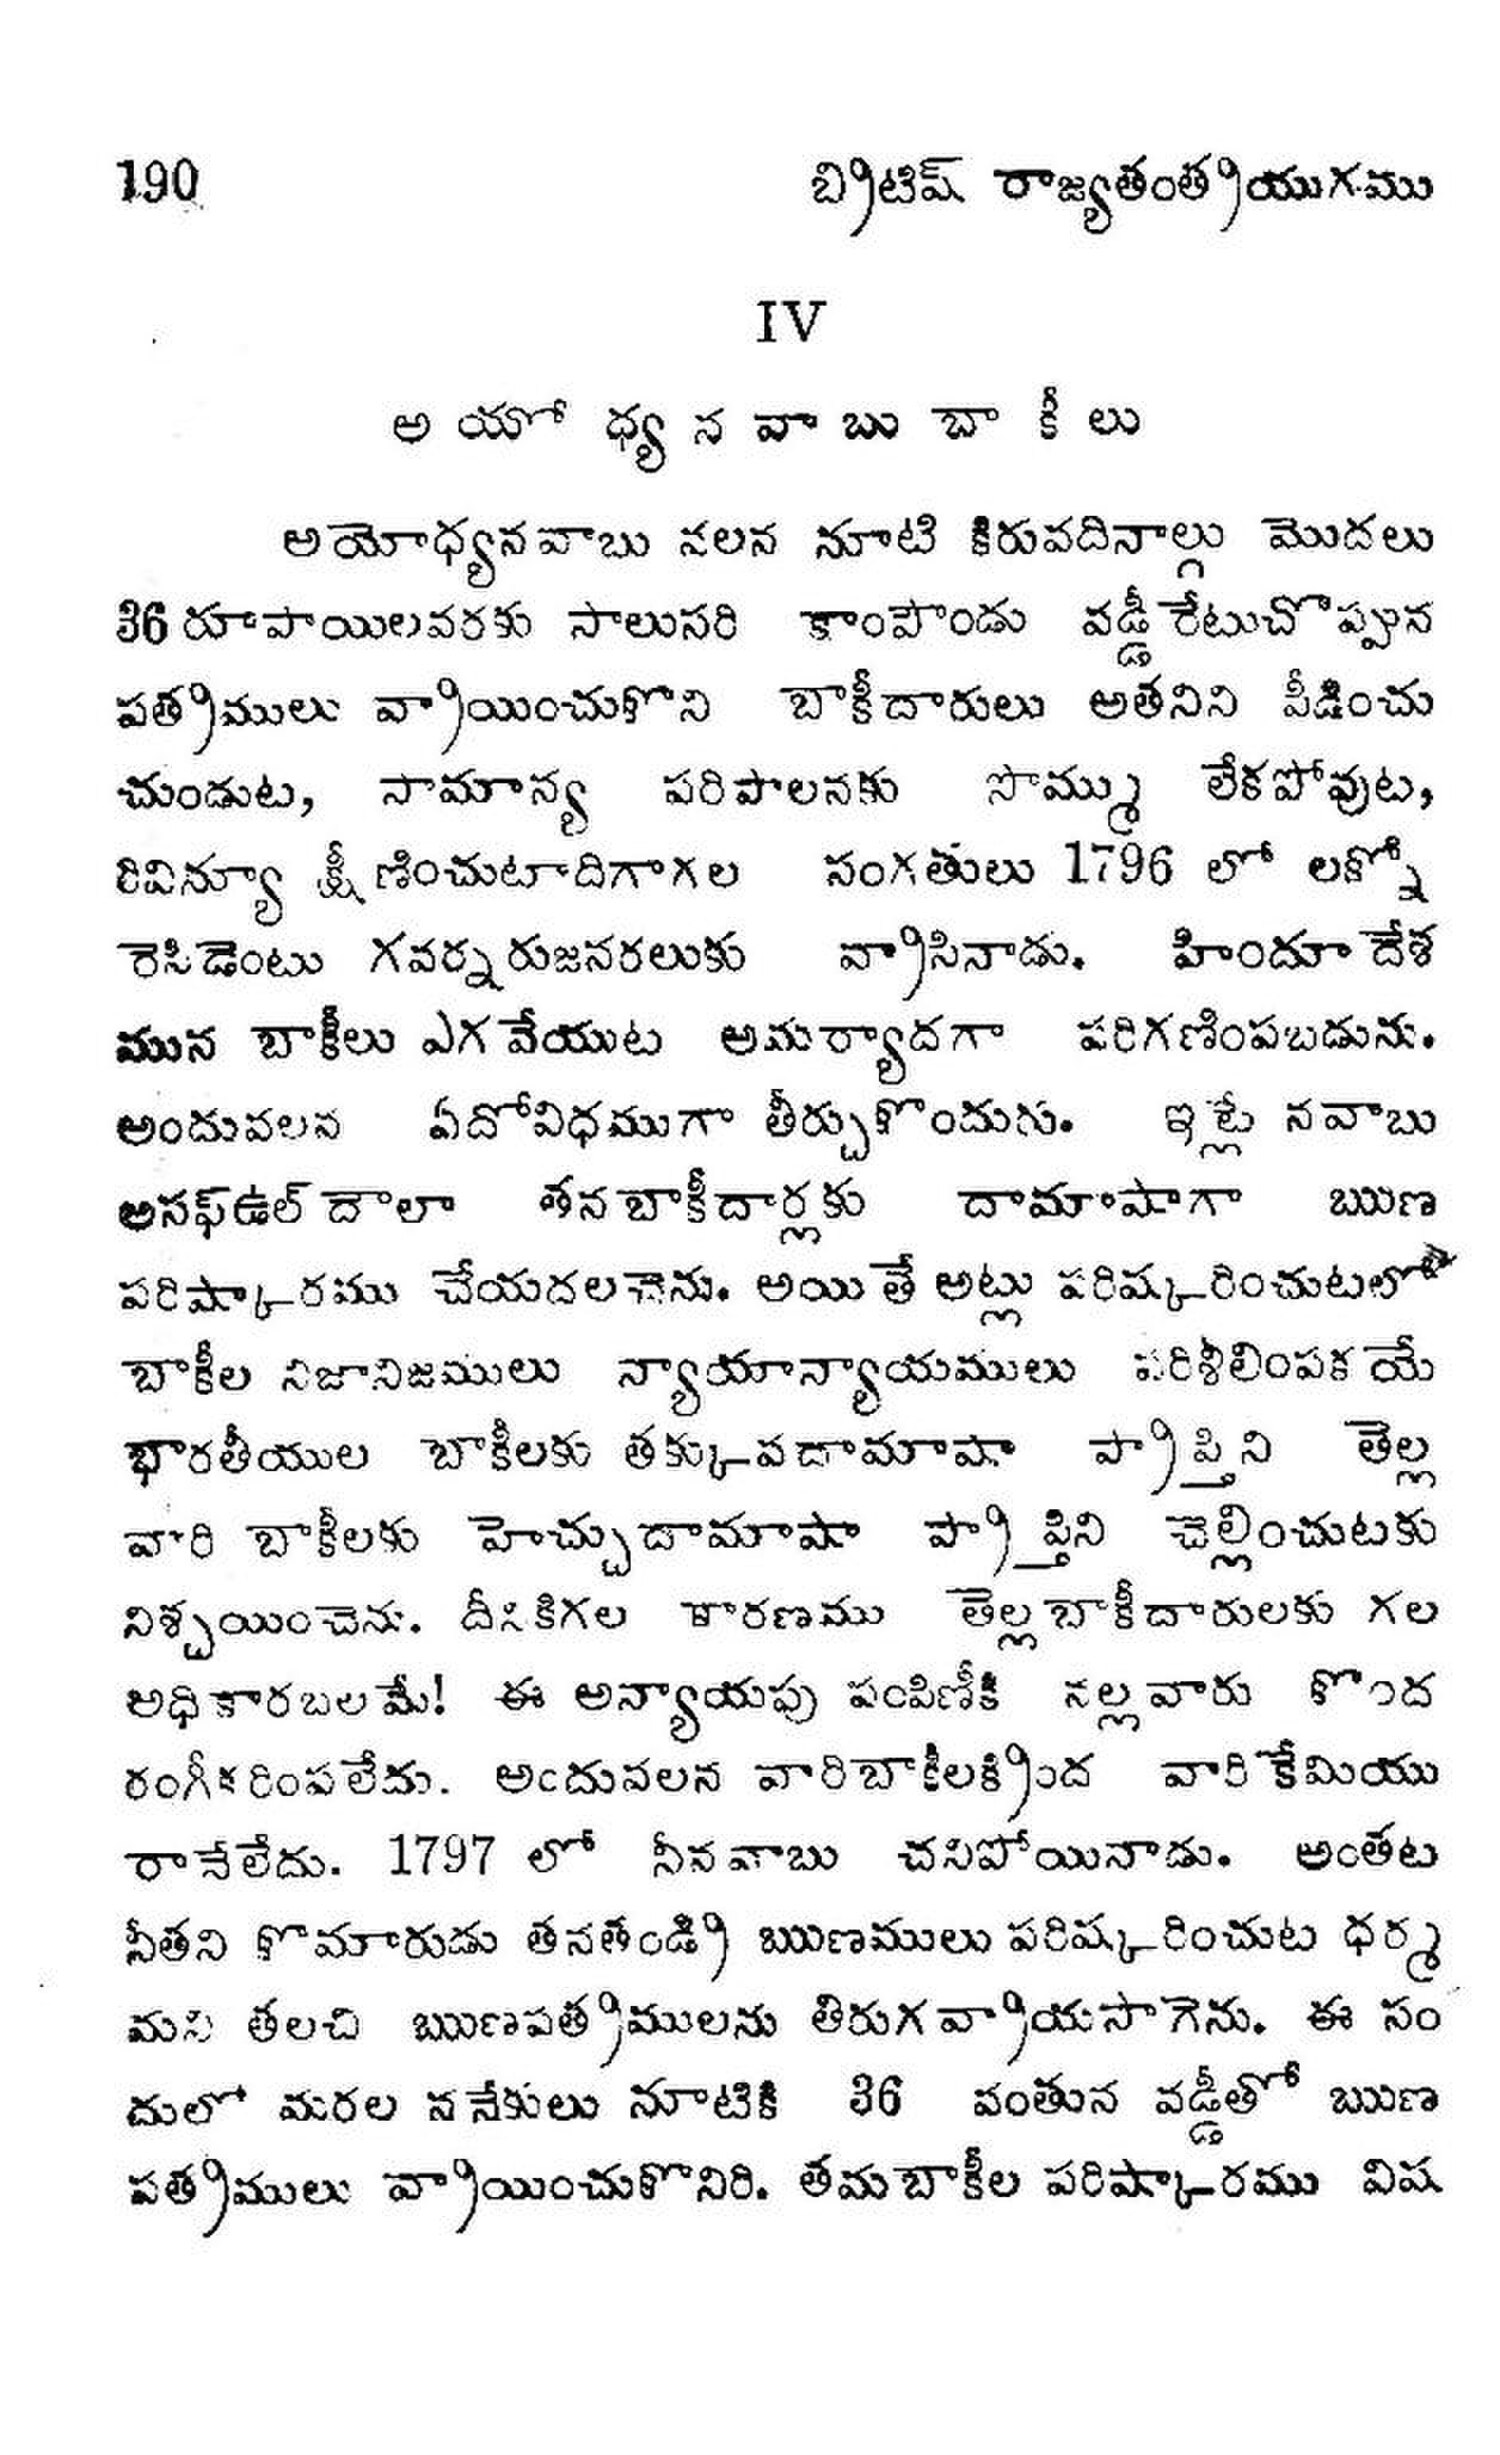IV 
అయోధ్య నవాబు బాకీలు 

అయోధ్యనవాబు వలన నూటి కిరువదినాల్గు మొదలు 36 రూపాయిలవరకు సాలుసరి కాంపౌండు వడ్డీరేటుచొప్పున పత్రములు వ్రాయించుకొని బాకీదారులు అతనిని పీడించు చుండుట, సామాన్య పరిపాలనకు సొమ్ము లేకపోవుట, రివిన్యూ క్షీణించుటాదిగాగల సంగతులు 1796 లో లక్నో రెసిడెంటు గవర్నరుజనరలుకు వ్రాసినాడు. హిందూదేశమున బాకీలు ఎగవేయుట అమర్యాదగా పరిగణింపబడును. అందువలన ఏదోవిధముగా తీర్చుకొందురు. ఇట్లే నవాబు అసఫ్‌ఉల్‌దౌలా తనబాకీదార్లకు దామాషాగా ఋణ పరిష్కారము చేయదలచెను. అయితే అట్లు పరిష్కరించుటలో బాకీల నిజానిజములు న్యాయాన్యాయములు పరిశీలింపకయే భారతీయుల బాకీలకు తక్కువదామాషా ప్రాప్తిని తెల్లవారి బాకీలకు హెచ్చు దామాషా ప్రాప్తిని చెల్లించుటకు నిశ్చయించెను. దీనికిగల కారణము తెల్లబాకీదారులకు గల అధికారబలమే! ఈ అన్యాయపు పంపిణీకి సల్లవారు కొందరంగీకరింపలేదు. అందువలన వారి బాకీలక్రింద వారికేమియు రానేలేదు. 1797 లో నీనవాబు చనిపోయినాడు. అంతట నీతని కొమారుడు తనతండ్రి ఋణములు పరిష్కరించుట ధర్మమని తలచి ఋణపత్రములను తిరుగవ్రాయసాగెను. ఈ సందులో మరల ననేకులు నూటికి 36 వంతున వడ్డీతో ఋణపత్రములు వ్రాయించుకొనిరి. తమబాకీల పరిష్కారము విష